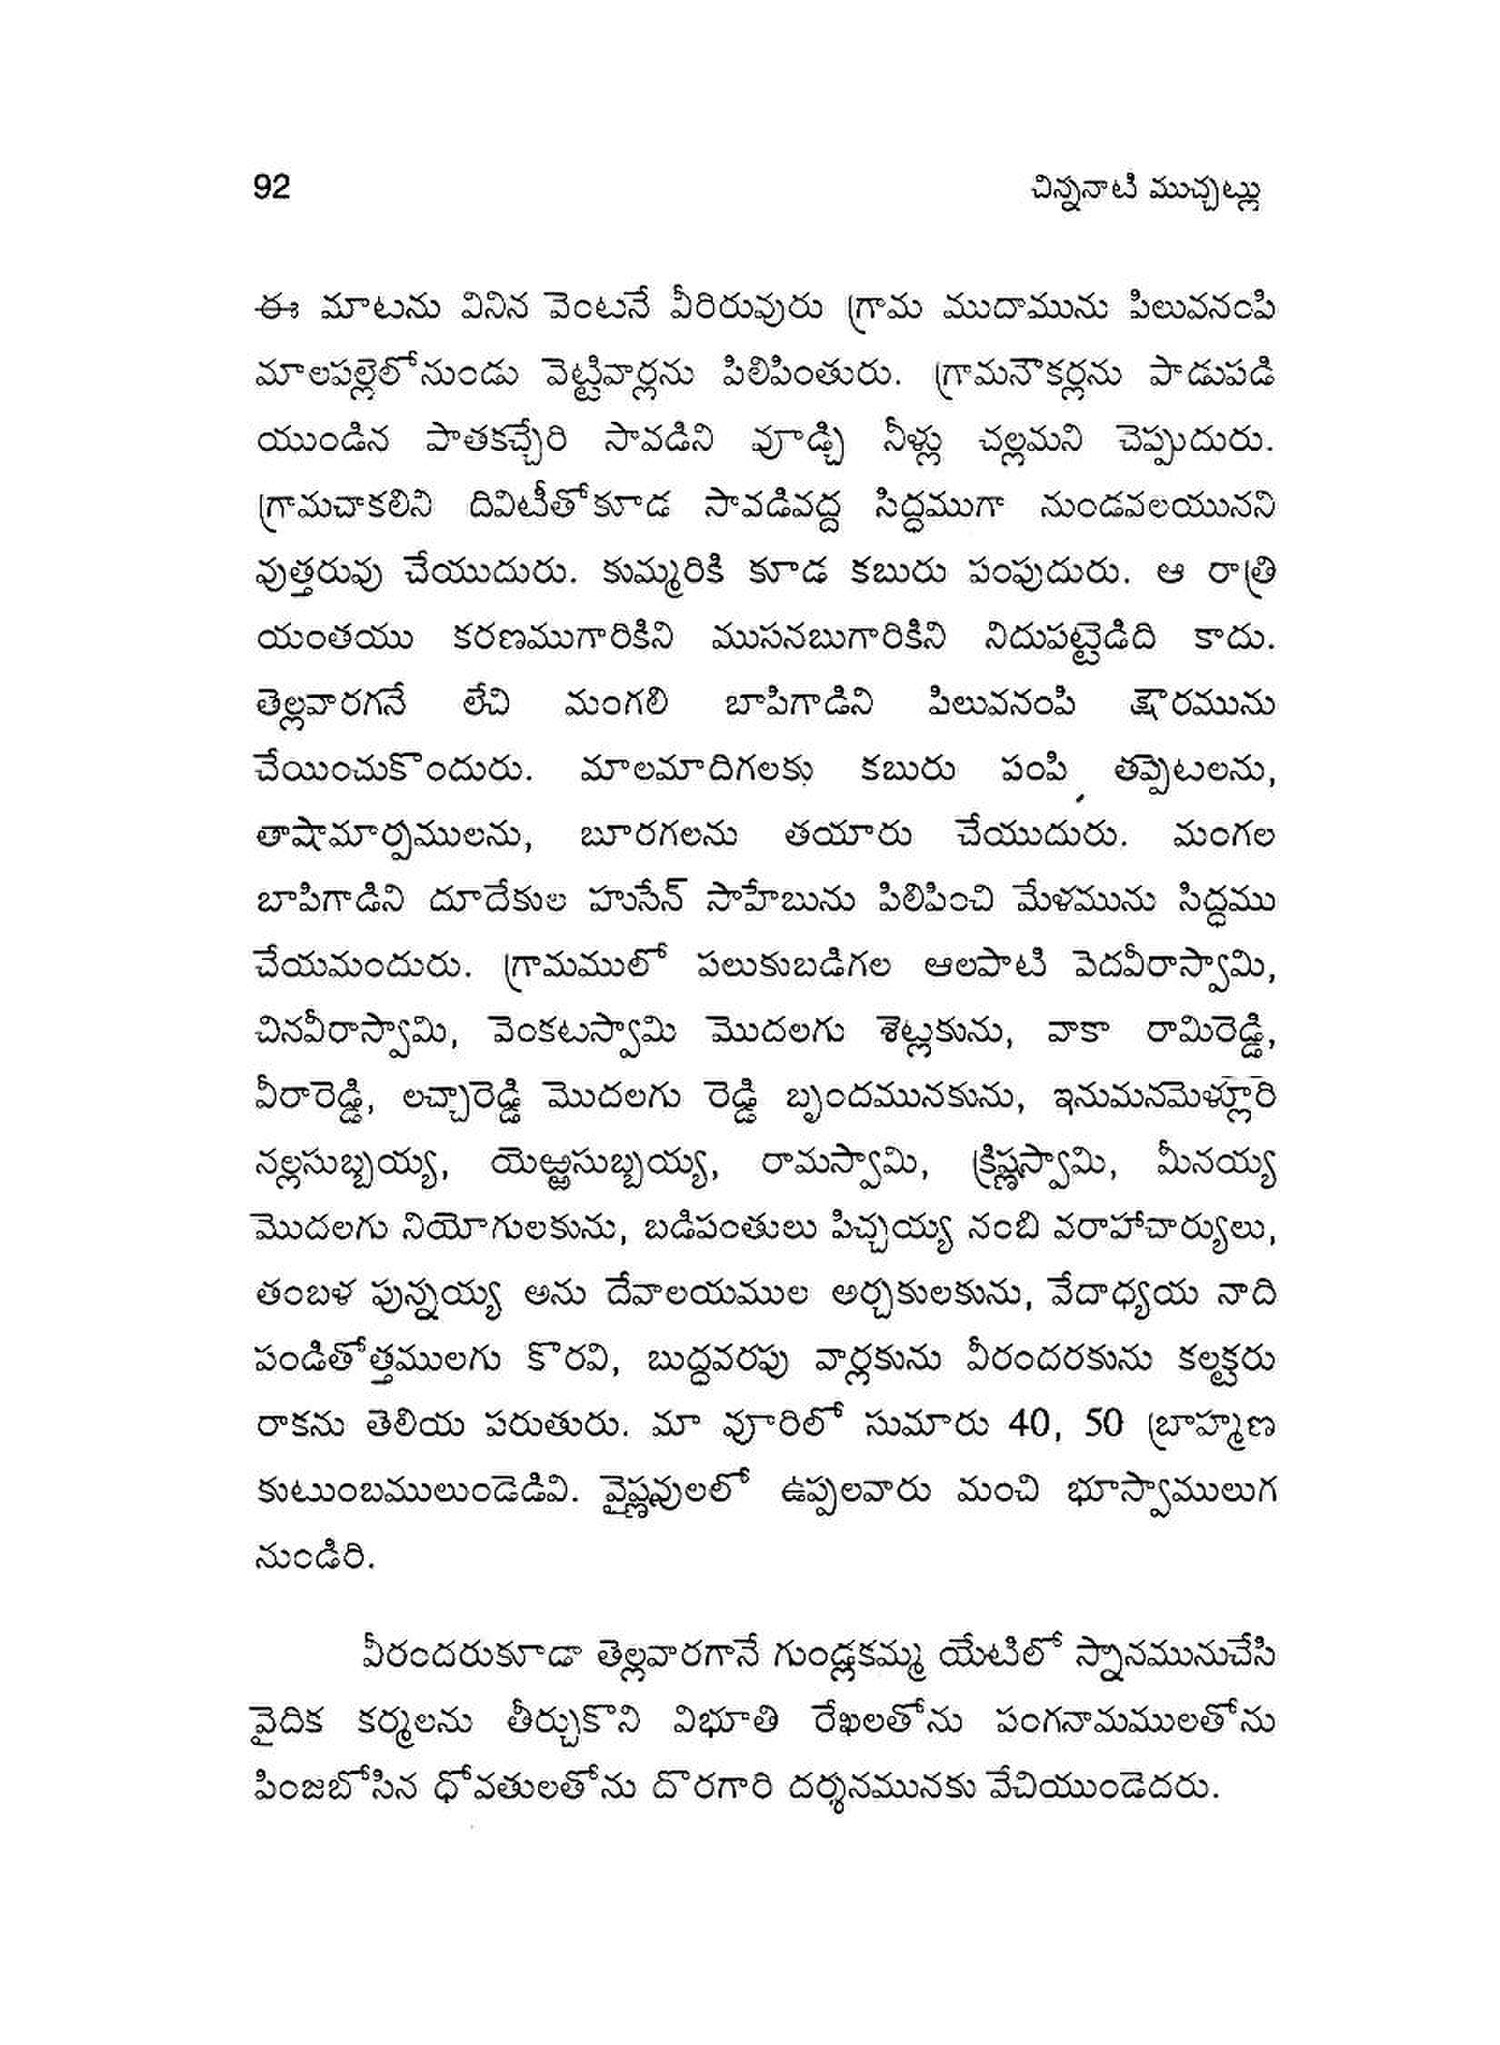ఈ మాటను వినిన వెంటనే వీరిరువురు గ్రామ ముదామును పిలువనంపి మాలపల్లెలోనుండు వెట్టివార్లను పిలిపింతురు. గ్రామనౌకర్లను పాడుపడి యుండిన పాతకచ్చేరి సావడిని వూడ్చి నీళ్లు చల్లమని చెప్పుదురు. గ్రామచాకలిని దివిటీతో కూడ సావడివద్ద సిద్దముగా నుండవలయునని వుత్తరువు చేయుదురు. కుమ్మరికి కూడ కబురు పంపుదురు. ఆ రాత్రి యంతయు కరణముగారికిని ముసనబుగారికిని నిదుపట్టెడిది కాదు. తెల్లవారగనే లేచి మంగలి బాపిగాడిని పిలువనంపి క్షౌరమును చేయించుకొందురు. మాలమాదిగలకు కబురు పంపి తప్పెటలను, తాషామార్పములను, బూరగలను తయారు చేయుదురు. మంగల బాపిగాడిని దూదేకుల హుసేన్ సాహేబును పిలిపించి మేళమును సిద్దము చేయమందురు. గ్రామములో పలుకుబడిగల ఆలపాటి పెదవీరాస్వామి, చినవీరాస్వామి, వెంకటస్వామి మొదలగు శెట్లకును, వాకా రామిరెడ్డి, వీరారెడ్డి, లచ్చారెడ్డి మొదలగు రెడ్డి బృందమునకును, ఇనుమనమెళ్ళూరి నల్లసుబ్బయ్య, యెఱ్ఱసుబ్బయ్య, రామస్వామి, క్రిష్ణస్వామి, మీనయ్య మొదలగు నియోగులకును, బడిపంతులు పిచ్చయ్య నంబి వరాహాచార్యులు, తంబళ పున్నయ్య అను దేవాలయముల అర్చకులకును, వేదాధ్యయ నాది పండితోత్తములగు కొరవి, బుద్దవరపు వార్లకును వీరందరకును కలక్టరు రాకను తెలియ పరుతురు. మా వూరిలో సుమారు 40, 50 బ్రాహ్మణ కుటుంబములుండెడివి. వైష్ణవులలో ఉప్పలవారు మంచి భూస్వాములుగ నుండిరి.

వీరందరుకూడా తెల్లవారగానే గుండ్లకమ్మ యేటిలో స్నానమునుచేసి వైదిక కర్మలను తీర్చుకొని విభూతి రేఖలతోను పంగనామములతోను పింజబోసిన ధోవతులతోను దొరగారి దర్శనమునకు వేచియుండెదరు.